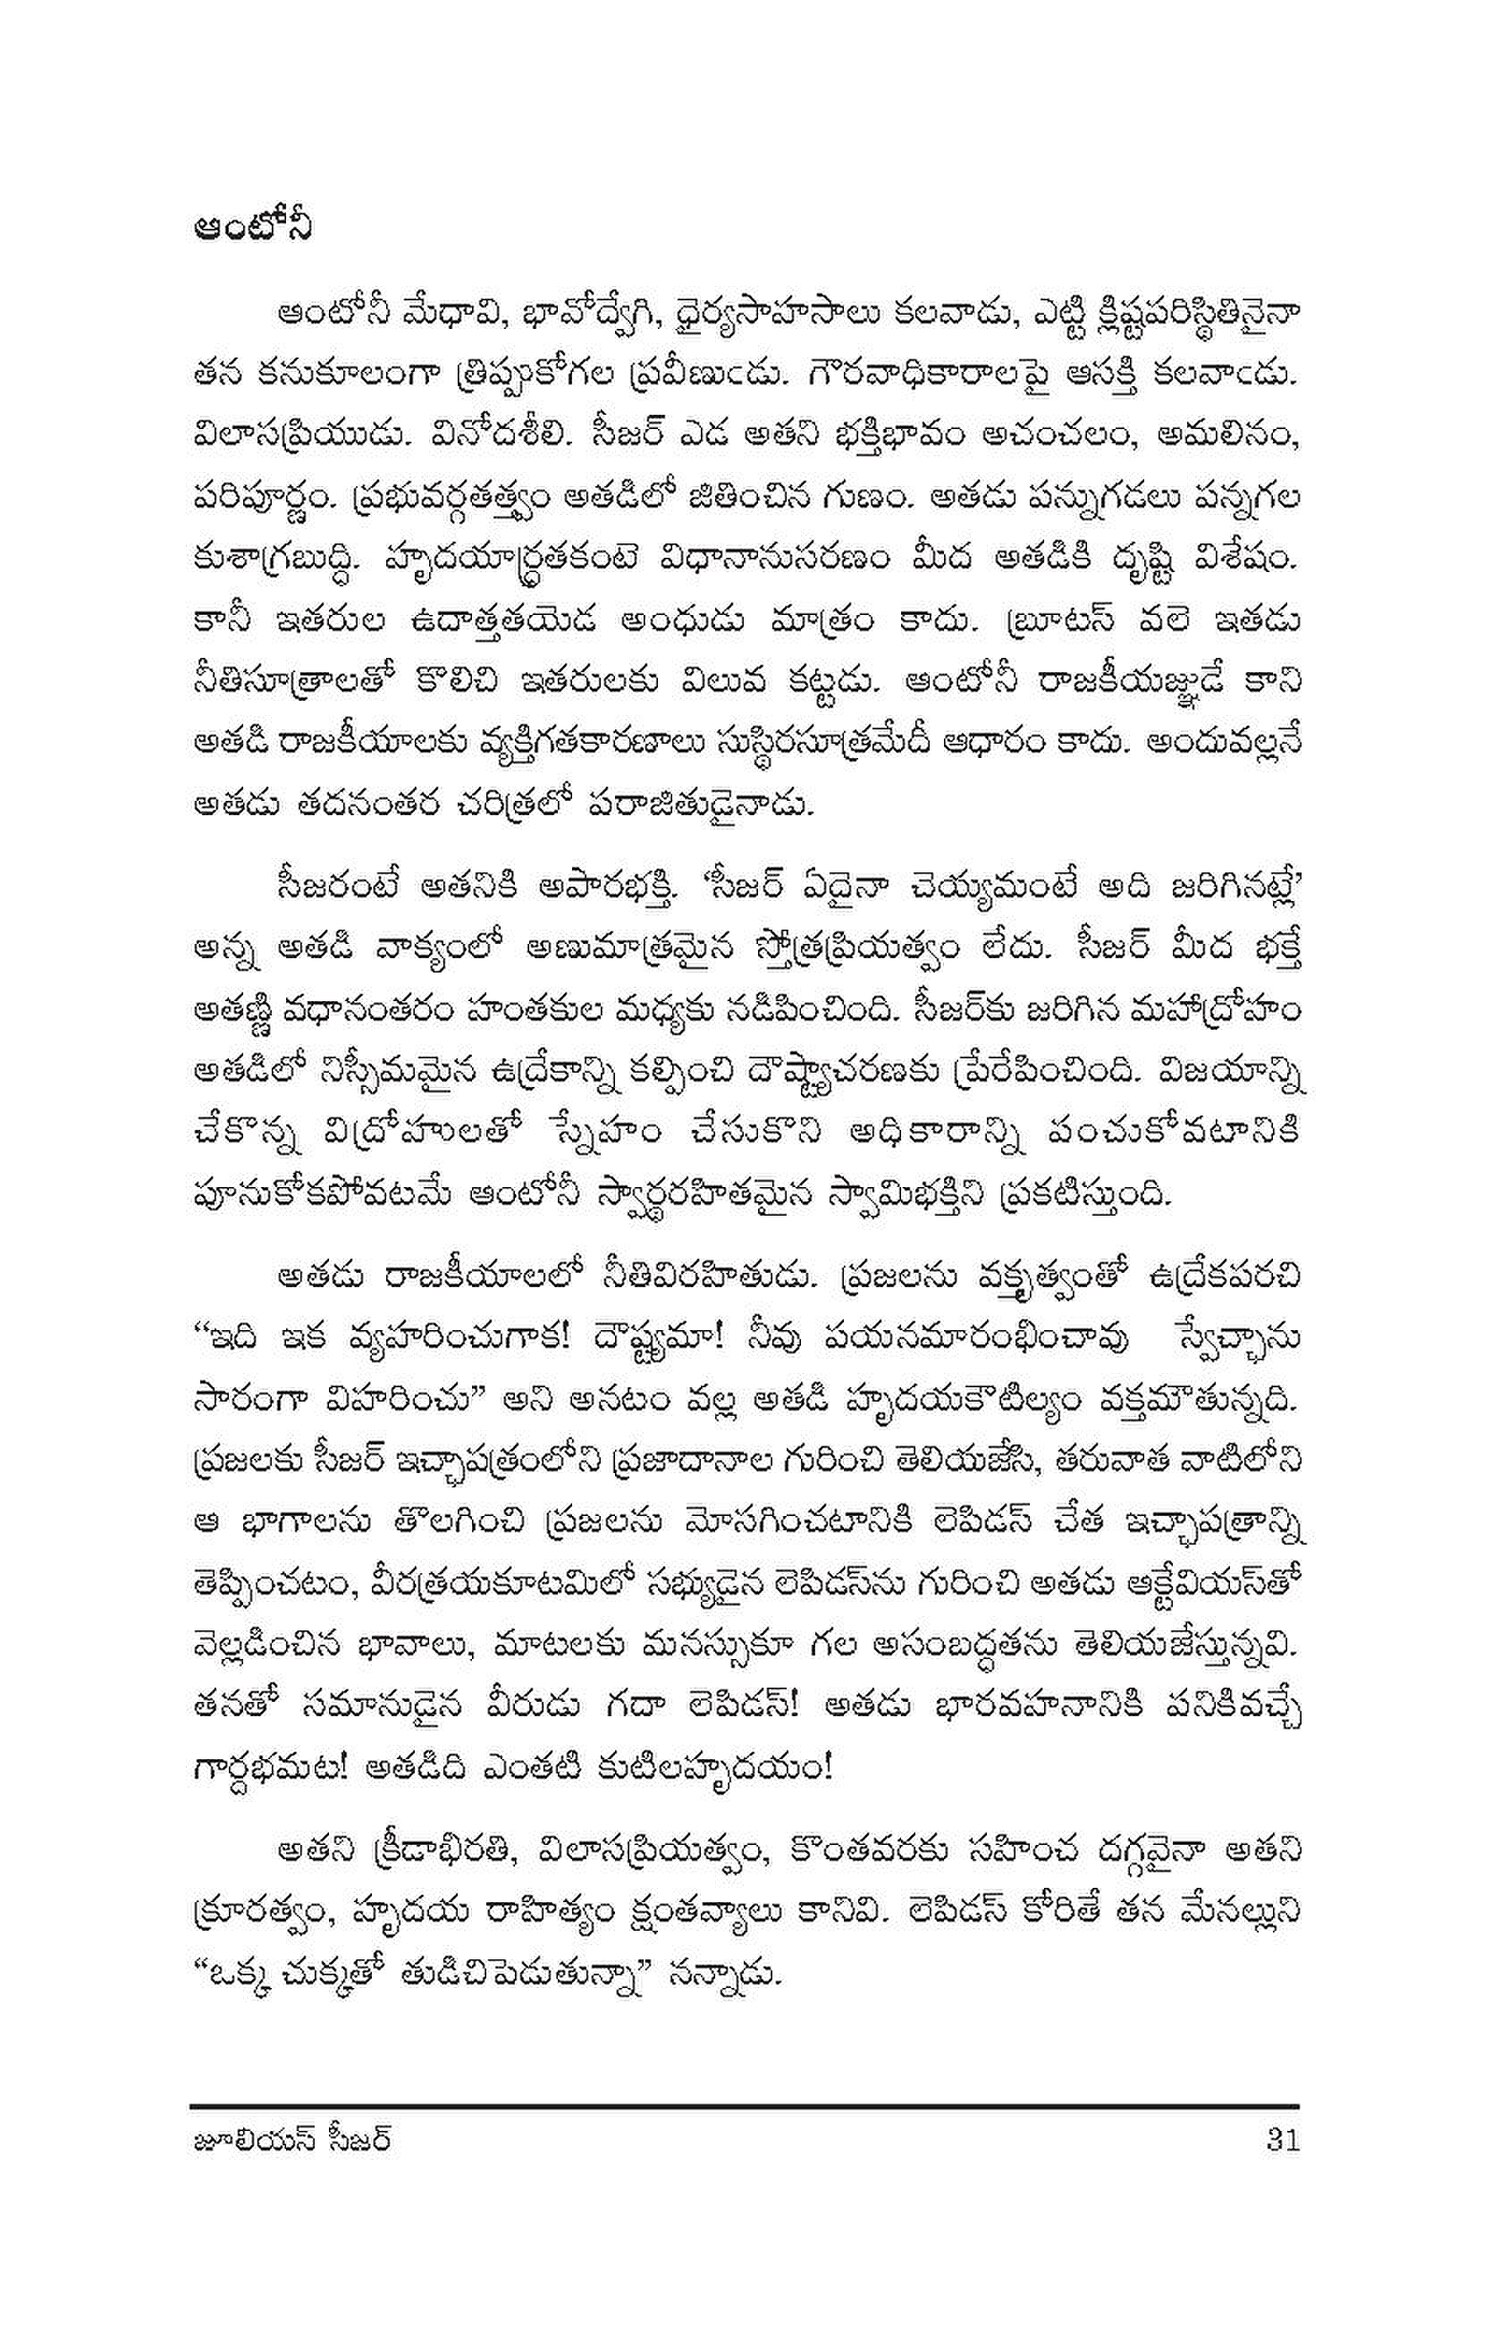ఆంటోనీ మేధావి, భావోద్వేగి, ధైర్యసాహసాలు కలవాడు, ఎట్టి క్లిష్టపరిస్థితినైనా తన కనుకూలంగా త్రిప్పుకోగల ప్రవీణుఁడు. గౌరవాధికారాలపై ఆసక్తి కలవాఁడు. విలాసప్రియుడు. వినోదశీలి. సీజర్ ఎడ అతని భక్తిభావం అచంచలం, అమలినం,
పరిపూర్ణం. ప్రభువర్గతత్త్వం అతడిలో జితించిన గుణం. అతడు పన్నుగడలు పన్నగల కుశాగ్రబుద్ధి. హృదయార్ద్రతకంటే విధానానుసరణం మీద అతడికి దృష్టి విశేషం. కానీ ఇతరుల ఉదాత్తతయెడ అంధుడు మాత్రం కాదు. బ్రూటస్ వలె ఇతడు నీతిసూత్రాలతో కొలిచి ఇతరులకు విలువ కట్టడు. ఆంటోనీ రాజకీయజ్ఞుడే కాని అతడి రాజకీయాలకు వ్యక్తిగతకారణాలు సుస్థిరసూత్రమేదీ ఆధారం కాదు. అందువల్లనే అతడు తదనంతర చరిత్రలో పరాజితుడైనాడు.

సీజరంటే అతనికి అపారభక్తి. 'సీజర్ ఏదైనా చెయ్యమంటే అది జరిగినట్లే' అన్న అతడి వాక్యంలో అణుమాత్రమైన స్తోత్రప్రియత్వం లేదు. సీజర్ మీద భక్తే అతణ్ణి వధానంతరం హంతకుల మధ్యకు నడిపించింది. సీజర్ కు జరిగిన మహాద్రోహం అతడిలో నిస్సీమమైన ఉద్రేకాన్ని కల్పించి దౌష్ట్యాచరణకు ప్రేరేపించింది. విజయాన్ని చేకొన్న విద్రోహులతో స్నేహం చేసుకొని అధికారాన్ని పంచుకోవటానికి పూనుకోకపోవటమే ఆంటోనీ స్వార్థరహితమైన స్వామిభక్తిని ప్రకటిస్తుంది.

అతడు రాజకీయాలలో నీతివిరహితుడు. ప్రజలను వక్తృత్వంతో ఉద్రేకపరచి "ఇది ఇక వ్యహరించుగాక! దౌష్ట్యమా! నీవు పయనమారంభించావు స్వేచ్ఛాను సారంగా విహరించు" అని అనటం వల్ల అతడి హృదయకౌటిల్యం వక్తమౌతున్నది.
ప్రజలకు సీజర్ ఇచ్ఛాపత్రంలోని ప్రజాదానాల గురించి తెలియజేసి, తరువాత వాటిలోని ఆ భాగాలను తొలగించి ప్రజలను మోసగించటానికి లెపిడస్ చేత ఇచ్ఛాపత్రాన్ని తెప్పించటం, వీరత్రయకూటమిలో సభ్యుడైన లెపిడసన్ను గురించి అతడు ఆక్టేవియస్తో వెల్లడించిన భావాలు, మాటలకు మనస్సుకూ గల అసంబద్ధతను తెలియజేస్తున్నవి. తనతో సమానుడైన వీరుడు గదా లెపిడస్! అతడు భారవహనానికి పనికివచ్చే గార్దభమట! అతడిది ఎంతటి కుటిలహృదయం!

అతని క్రీడాభిరతి, విలాసప్రియత్వం, కొంతవరకు సహించ దగ్గవైనా అతని క్రూరత్వం, హృదయ రాహిత్యం క్షంతవ్యాలు కానివి. లెపిడస్ కోరితే తన మేనల్లుని “ఒక్క చుక్కతో తుడిచిపెడుతున్నా” నన్నాడు.